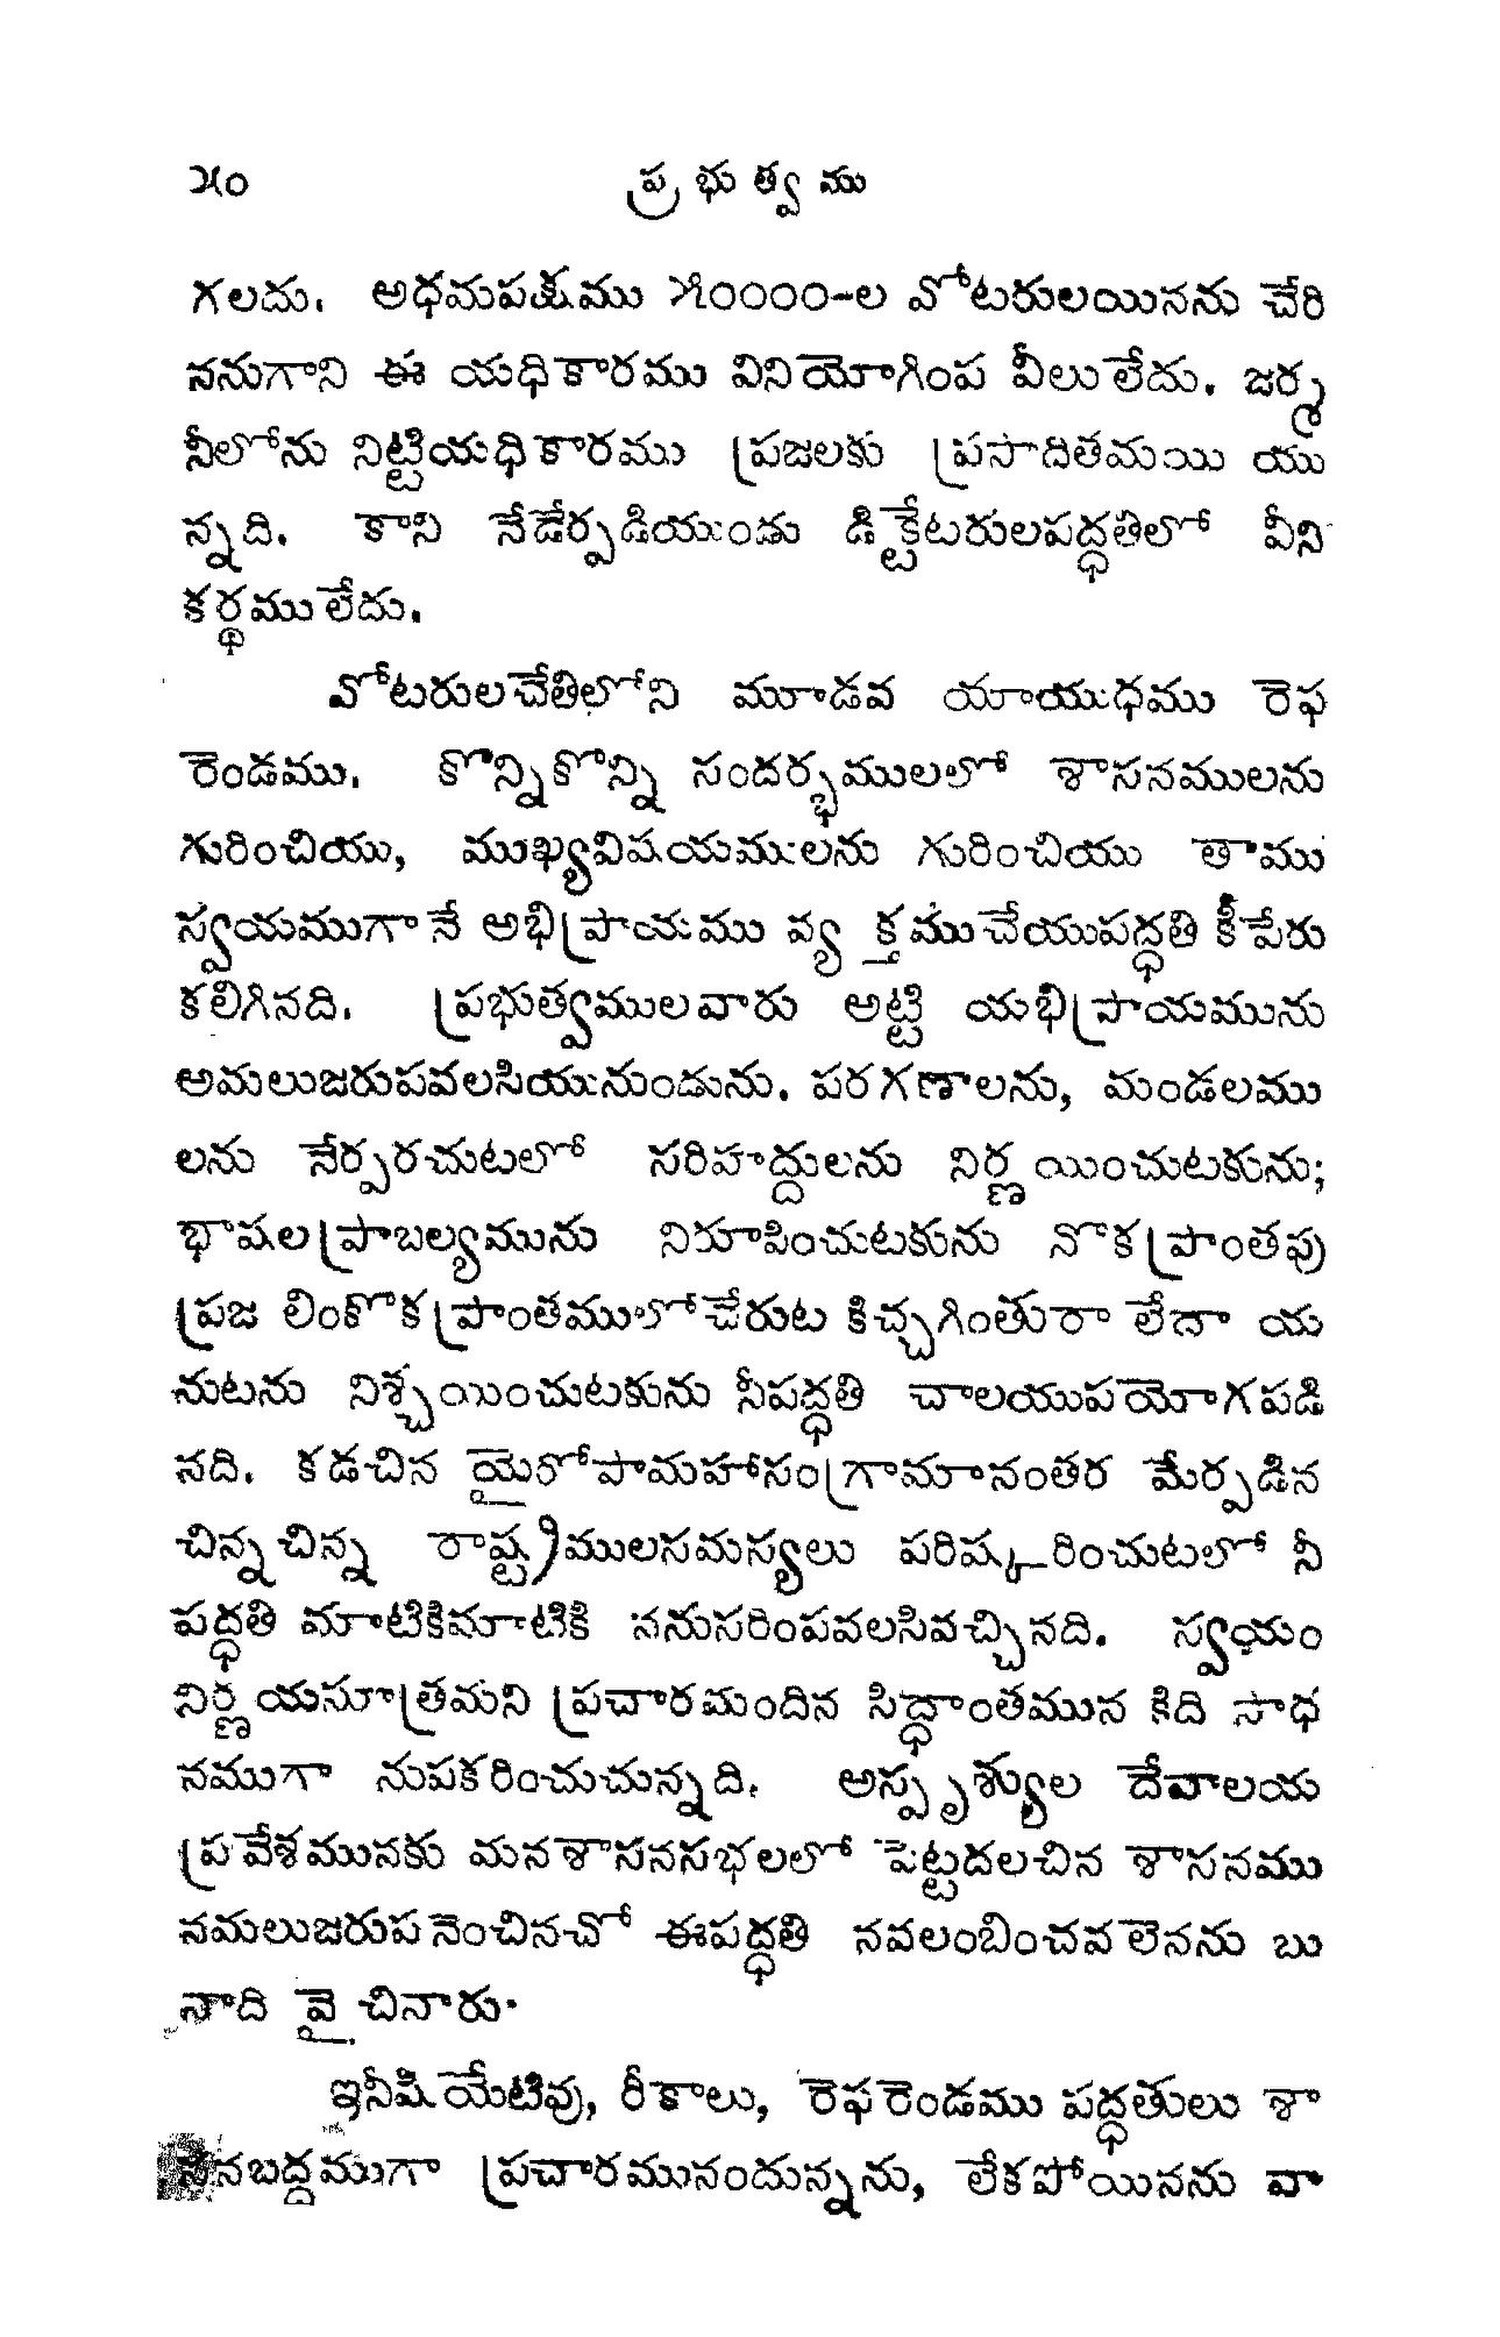గలదు. అధమపక్షము 50000-ల వోటరులయినను చేరిననుగాని ఈ యధికారము వినియోగింప వీలులేదు. జర్మనీలోను నిట్టియధికారము ప్రజలకు ప్రసాదితమయి యున్నది. కాని నేడేర్పడియుండు డిక్టేటరులపద్ధతిలో వీని కర్థము లేదు.

వోటరులచేతిలోని మూడవ యాయుధము రెఫరెండము. కొన్నికొన్ని సందర్భములలో శాసనములను
గురించియు, ముఖ్యవిషయములను గురించియు తాము స్వయముగానే అభిప్రాయము వ్య క్తము చేయుపద్ధతి కీపేరుకలిగినది. ప్రభుత్వములవారు అట్టి యభిప్రాయమును అమలుజరుపవలసియు నుండును. పరగణాలను, మండలములను నేర్పరచుటలో సరిహద్దులను నిర్ణయించుటకును;
భాషలప్రాబల్యమును నిరూపించుటకును నొకప్రాంతపు ప్రజ లింకొకప్రాంతములోచేరుట కిచ్చగింతురా లేదా యనుటను నిశ్చయించుటకును నీపద్ధతి చాలయుపయోగపడినది. కడచిన యైరోపా మహాసంగ్రామానంతర మేర్పడిన చిన్నచిన్న రాష్ట్రములసమస్యలు పరిష్కరించుటలో నీపద్ధతి మాటికిమాటికి ననుసరింపవలసివచ్చినది. స్వయం నిర్ణయసూత్రమని ప్రచారమందిన సిద్ధాంతమున కిది సాధనముగా నుపకరించుచున్నది. అస్పృశ్యుల దేవాలయ ప్రవేశమునకు మనశాసనసభలలో పెట్టదలచిన శాసనము నమలుజరుపనెంచినచో ఈపద్ధతి నవలంబించవలెనను బునాది వై చినారు.

ఇనీషియేటివు, రీకాలు, రెఫరెండము పద్ధతులు శాసనబద్దముగా ప్రచారమునందున్నను, లేకపోయినను వా